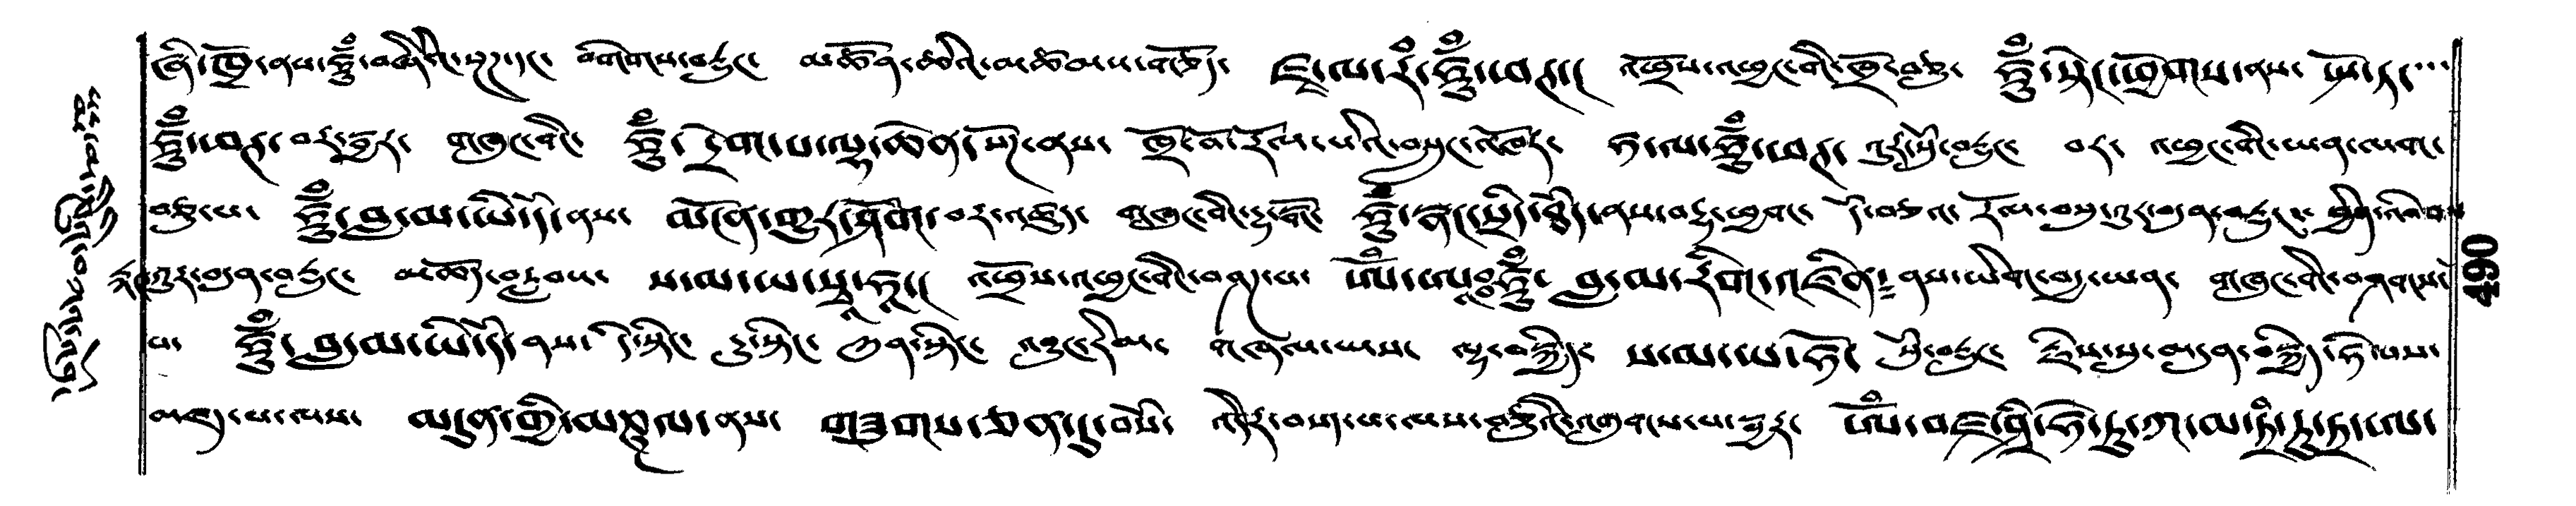ཞི་ཁྲོ༴ ནས་ཧཱུྃ་བཞིའི་སྔགས་དང་། བགེགས་རྡུང་། མཚོན་ཆའི་མཚམས་གཅོད། ཛྭ་ལ་རྃ་ཧཱུྃ་ཕཊཿ འཕྲོས་འཕྱང་གི་ཁྲོ་བཅུ། ཧཱུྃ། སྟེང་ཕྱོགས༴ ནས། སྥོ་ཊ་
ཧཱུྃ་ཕཊཿ བར་སྦྱར། གཞུང་གི ཧཱུྃ༔ དྲེགས་པ་ལྷ་ཆེན༴ སོགས་ནས། ཁྲོ་བོ་རོལ་པའི་བསྲུང་འཁོར། ཧ་ལ་ཧཱུྃ་ཕཊཿ ( འུར་སུམ་བརྡུང་། ) བར། འཕྱང་གི་ཡན་ལག་
བཅུ་པ། ཧཱུྃ༔བླ་མ་ཡི་དམ༴ ནས། མངོན་གྱུར་ཤོག༔ བར་འཛུད། གཞུང་གི་བརྡ་སྒོ། ཧཱུྃ༔ སྣང་སྲིད་ཐམས་ཅད༴ ནས་བརྡ་ཕྱག དམ་བཅའ། ( རོལ་བསུ་འུར་བདུན་བརྡུང་། ) བྱིན་འབེབས།
 ( རྐང་འུར་བདུན་བརྡུང་། ) མཆོད་རླབས། ས་མ་ཡ་སྭཱ་ཧཱཿ འཕྲོས་འཕྱང་གི་བཤགས་པ། ཨོཾ་ཨཱཿཧཱུྃ༔ བླ་མ་རིག་འཛིན༴ ནས་ཡིག་བརྒྱ་ཡན། གཞུང་གི་བཤགས་
པ། ཧཱུྃ༔ བླ་མ་ཡི་དམ༴ ནས། དེ་ཏིང་། རྒྱུ་ཏིང་། ཀུན་ཏིང་། འབྱུང་རིམ། གཞལ་ཡས། ལྷ་བསྐྱེད། ས་མ་ཡ་ཧོཿ རྗེས་སུ་མདུན་བསྐྱེད་ཧོ་པས་
མཛད་པ་ལས། མདུན་གྱི་མཎྜལ༴ ནས། གཟུགས་ཅན་དུ༴ བསམ། འདིར་བསད་པ་ལས་བཅུའི་འགུགས་པ་སྦྱར། ཨོཾ་བཛྲ་ཤྲཱི་ཧེ་རུ་ཀ་མ་ཏྲཾ་རུ་ཏྲ་ཨ་